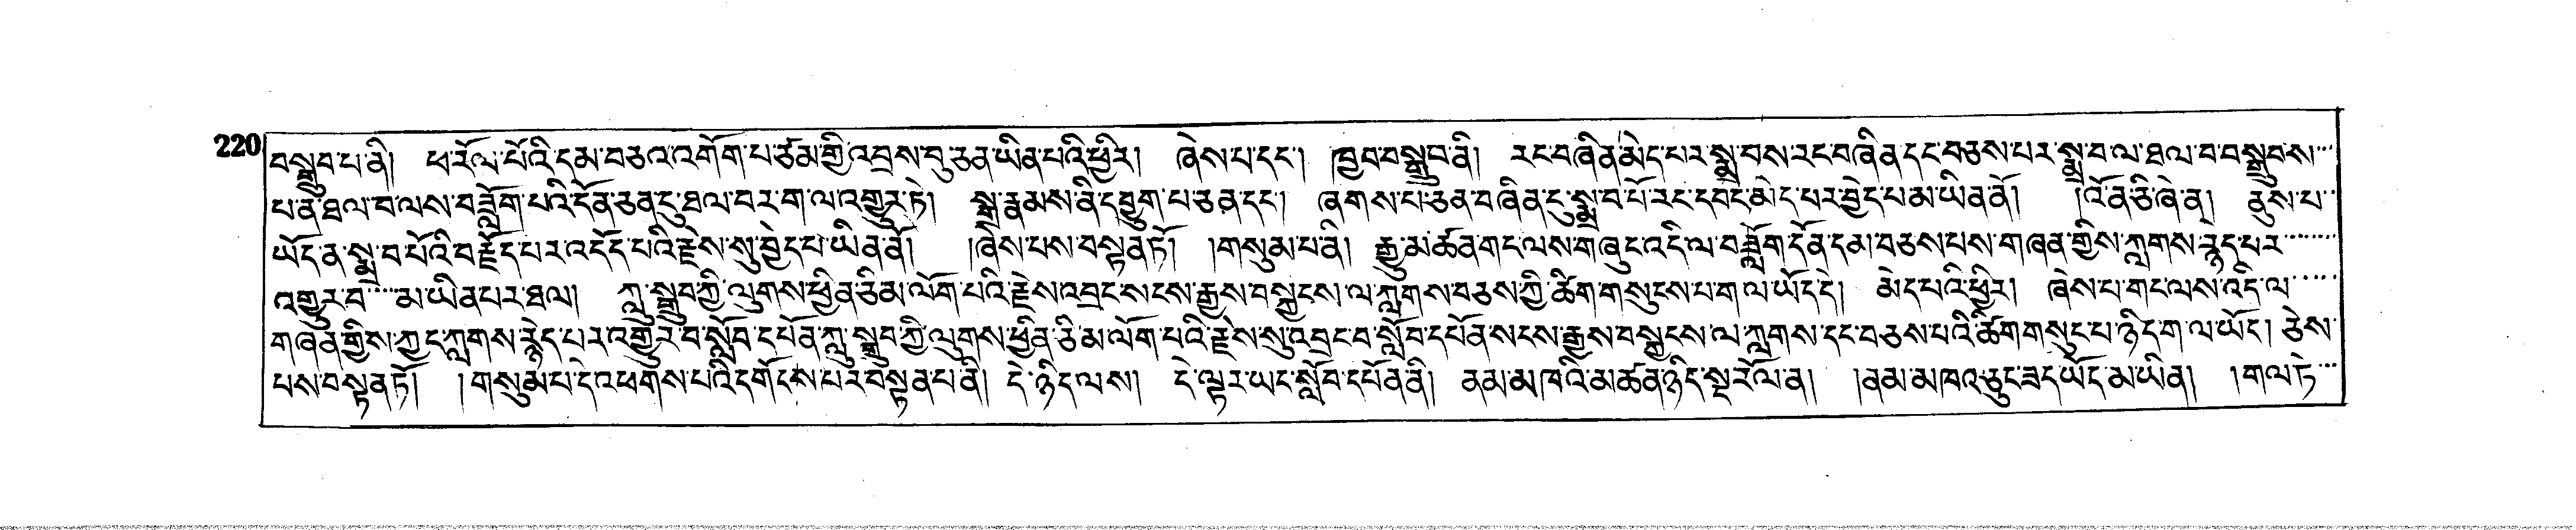བསྒྲུབ་པ་ནི། ཕ་རོལ་པོའི་དམ་བཅའ་འགོག་པ་ཙམ་གྱི་འབྲས་བུ་ཅན་ཡིན་པའི་ཕྱིར། ཞེས་པ་དང་། ཁྱབ་བསྒྲུབ་ནི། རང་བཞིན་མེད་པར་སྨྲ་བས་རང་བཞིན་དང་བཅས་པར་སྨྲ་བ་ལ་ཐལ་བ་བསྒྲུབས་
པ་ན་ཐལ་བ་ལས་བཟློག་པའི་དོན་ཅན་དུ་ཐལ་བར་ག་ལ་འགྱུར་ཏེ། སྒྲ་རྣམས་ནི་དབྱུག་པ་ཅན་དང་། ཞགས་པ་ཅན་བཞིན་དུ་སྨྲ་བ་པོ་རང་དབང་མེད་པར་བྱེད་པ་མ་ཡིན་ནོ། །འོ་ན་ཅི་ཞེ་ན། ནུས་པ་
ཡོད་ན་སྨྲ་བ་པོའི་བརྗོད་པར་འདོད་པའི་རྗེས་སུ་བྱེད་པ་ཡིན་ནོ། །ཞེས་པས་བསྟན་ཏོ། །གསུམ་པ་ནི། རྒྱུ་མཚན་གང་ལས་གཞུང་འདི་ལ་བཟློག་དོན་དམ་བཅས་པས་གཞན་གྱིས་ཀླགས་རྙེད་པར་
འགྱུར་བ་མ་ཡིན་པར་ཐལ། ཀླུ་སྒྲུབ་ཀྱི་ལུགས་ཕྱིན་ཅི་མ་ལོག་པའི་རྗེས་འབྲང་སངས་རྒྱས་བསྐྱངས་ལ་ཀླགས་བཅས་ཀྱི་ཚིག་གསུངས་པ་ག་ལ་ཡོད་དེ། མེད་པའི་ཕྱིར། ཞེས་པ་གང་ལས་འདི་ལ་
གཞན་གྱིས་ཀྱང་ཀླགས་རྙེད་པར་འགྱུར་བ་སློབ་དཔོན་ཀླུ་སྒྲུབ་ཀྱི་ལུགས་ཕྱིན་ཅི་མ་ལོག་པའི་རྗེས་སུ་འབྲང་བ་སློབ་དཔོན་སངས་རྒྱས་བསྐྱངས་ལ་ཀླགས་དང་བཅས་པའི་ཚིག་གསུང་པ་ཉིད་ག་ལ་ཡོང་། ཅེས་
པས་བསྟན་ཏོ། །གསུམ་པ་དེ་འཕགས་པའི་དགོངས་པར་བསྟན་པ་ནི། དེ་ཉིད་ལས། དེ་ལྟར་ཡང་སློབ་དཔོན་ནི། ནམ་མཁའི་མཚན་ཉིད་སྔ་རོལ་ན། །ནམ་མཁའ་ཅུང་ཟད་ཡོད་མ་ཡིན། །གལ་ཏེ་